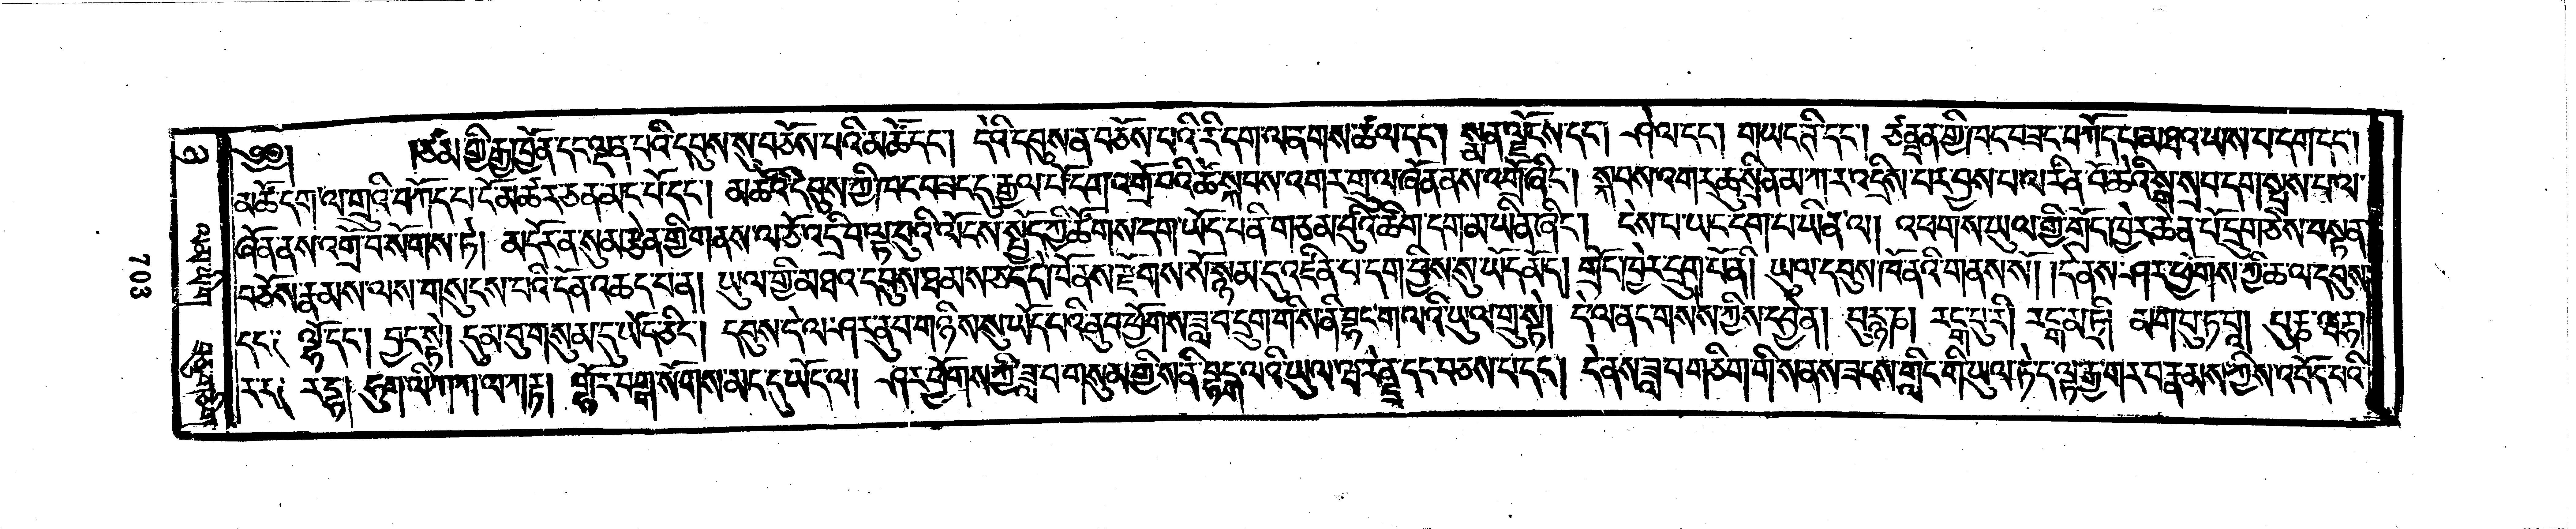༄༅། །ཙམ་གྱི་རྒྱ་ཁྱོན་དང་ལྡན་པའི་དབུས་སུ་བཅོས་པའི་མཚོ་དང་། དེའི་དབུས་ན་བཅོས་པའི་རི་དག་ལ་ནགས་ཚལ་དང་། སྨན་ལྗོངས་དང་། ཤེལ་དང་། གཡང་ཊི་དང་། ཙནྡན་གྱི་ཁང་བཟང་བཀོད་པ་མཐའ་ཡས་པ་དག་དང་།
མཚོ་དག་ལ་གྲུའི་བཀོད་པ་ངོ་མཚར་ཅན་མང་པོ་དང་། མཚོའི་དབུས་ཀྱི་ཁང་བཟང་དུ་རྒྱལ་པོ་དག་འགྲོ་བའི་ཚེ་སྐབས་འགར་གྲུ་ལ་ཞོན་ནས་འགྲོ་ཞིང་། སྐབས་འགར་ཆུ་སྲིན་མ་ཀ་ར་འདྲིས་པར་བྱས་པ་ལ་རིན་པོ་ཆེའི་སྒ་སྲབ་དག་སྤྲས་པ་ལ་
ཞོན་ནས་འགྲོ་བ་སོགས་ཏེ། མདོར་ན་སུམ་རྩེན་གྱི་གནས་ལ་ཅོ་འདྲི་བ་ལྟ་བུའི་ལོངས་སྤྱོད་ཀྱི་ཚོགས་དག་ཡོད་པ་ནི་གཅམ་བུའི་ཚིག་དག་མ་ཡིན་ཞིང་། ངེས་པ་ཡང་དག་པ་ཡིན་ལ། འཕགས་ཡུལ་གྱི་གྲོང་ཁྱེར་ཆེན་པོ་དྲུག་ཅེས་བསྟན་
བཅོས་རྣམས་ལས་གསུངས་པའི་དོན་འཆད་པ་ན། ཡུལ་གྱི་མཐའ་དབུས་ཐམས་ཅད་དེ་ཁོ་ནས་རྫོགས་སོ་སྙམ་དུ་འཛིན་པ་དག་བྱིས་སུ་ཡོད་མོད། གྲོང་ཁྱེར་དྲུག་པོ་ནི། ཡུལ་དབུས་ཁོ་ནའི་གནས་སོ། །དེ་ནས་ཤར་ཕྱོགས་ཀྱི་ཆ་ལ་དབུས་
དང༑ ལྷོ་དང་། བྱང་སྟེ། དུམ་བུ་གསུམ་དུ་ཡོད་ཅིང་། དབུས་དེ་ལ་ཤར་ནུབ་གཉིས་སུ་ཡོད་པའི་ནུབ་ཕྱོགས་ཟླ་བ་དྲུག་གི་ས་ནི་བྷང་ག་ལའི་ཡུལ་གྲུ་སྟེ། དེ་ལ་ནང་གསེས་ཀྱིས་དབྱེ་ན། བུརྙ་ཎ། རངྒ་པུ་རི། རངྒ་མ་ཏྲི། མག་པུ་ཏ་པཱ། པུརྞ་ཝརྷ།
ར་ར༑ རདྷ། ཧུག་ལི་ཀ་ཀ་ལ་ཀརྟ། གྷོར་བགག་སོགས་མང་དུ་ཡོད་ལ། ཤར་ཕྱོགས་ཀྱི་ཟླ་བ་གསུམ་གྱི་ས་ནི་བྷངྒ་ལའི་ཡུལ་ཝ་རེནྡྲ་དང་བཅས་པ་དང་། དེ་ནས་ཟླ་བ་གཅིག་གི་ས་ནས་ཟངས་གླིང་གི་ཡུལ་ཏེ་ད་ལྟ་རྒྱ་གར་བ་རྣམས་ཀྱིས་འབོད་པའི་